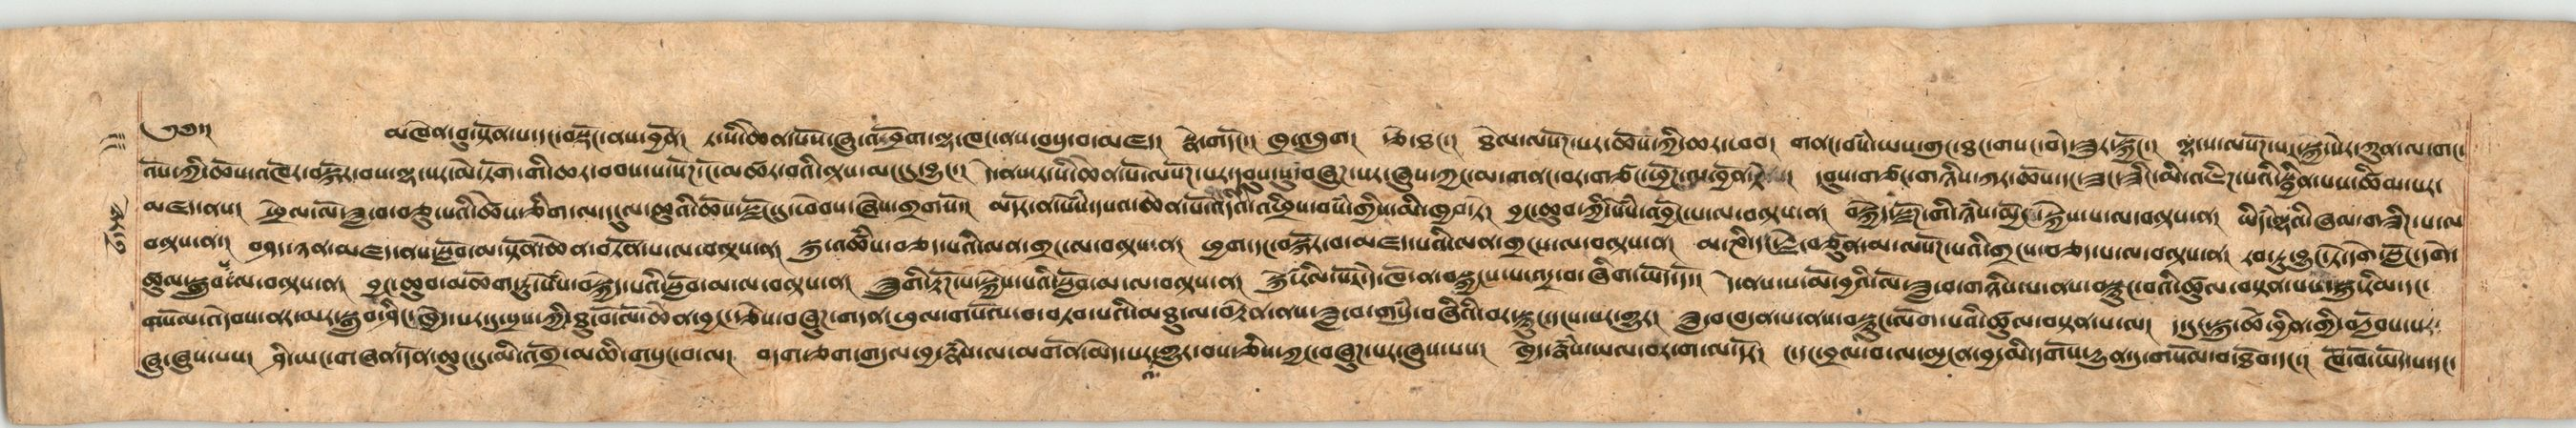༄༅་། མཁེན་བུ་སྟོན་པ་དང་བསྡོང་ནས་བྱོན། ཏ་སི་ཆེན་པོས་ཞུ་འཕྲོག་ལྷ་ཁང་ནས་བསུ་བ་མཛད། སྣེ་གདོང་། ཁྲ་འབྲུག། རྩེས་ཐང་། ཐེལ་ལསོཌ་པར་ཆོས་ཀྱི་ཆར་ཕབ། གནང་བསཾ་ཡས་གུང་ཐང་གསང་བདེ་ཟུལ་སྐྱོང། ལྷ་ས་ལསོཌ་པར་སྐྱ་སེར་ཀུན་ལ་གང་
འོས་ཀྱི་ཆོས་འཁོར་བསྐོར་བས་ལྷ་སར་མེ་ཏོག་གི་ཆར་བབས་པ་སོཌ་ངོ་མཚར་བའི་ལྟས་མང་དུ་བྱུང་། དེ་ནས་ཏ་སི་ཆེན་པོ་ལསོཌ་པས་དབུས་སུ་བཞུཌ་པར་ཞུས་ཀྱང་མ་གནང་བར་གཙང་ཕྱོཌ་ལ་བྱོན་ཏེ། དབུས་གཙང་གཉིས་ཀར་ཆོས་དང་ཟང་ཟིང་མི་འཇིཌ་པའི་སྦྱིན་པས་ཚིམ་པར་
མཛད་ནས། སྤྲེལ་ལོ་ཟླ་བ་བཅུ་པའི་ཚེས་གཅིག་ལ་དངུལ་ཆུའི་ཆོས་སྫོང་དུ་ཕེབས་ཞེས་གྲགསོ་། མདོར་ན་སེཾས་དཔའ་ཆེན་པོ་འདིའི་འཕྲིས་བསཾ་གྱིས་མི་ཁྱབ་ཏེ། བྱང་ཆུབ་ཀྱི་སེཾས་འབྱོངས་པ་ལ་བལྟས་ན། བསྐྱེད་སྫོཌ་གི་ཉཾས་མྱོང་སྐྱེས་པ་ལ་བལྟས་ན། ཡིདཾ་ལྷའི་ཞལ་གཟིཌ་པ་ལ་
བལྟས་ན་། བཤད་ཉན་མཛད་ནས་སློབ་མ་སྟོན་ཆེན་བཏོན་པ་ལ་བལྟས་ན། སྐུ་འཚཾས་བཅད་པའི་ལན་གྲང་ལ་བལྟས་ན། ཕྱག་དང་བསྐོར་བ་མཛད་པའི་ལན་གྲངས་ལ་བལྟས་བ། མ་ཎི་དང་རྗེ་བཙུན་མ་ལསོཌ་པའི་གྲངས་བཅད་པ་ལ་བལྟས་ན། རབ་ཏུ་བྱུང་ཏེ་དགེ་སློང་དགེ་
ཚུལ་སྒྲུབ་པ་ལ་བལྟས་ན། བྱང་ཆུབ་མཆོག་ཏུ་སེཾས་བསྐྱེད་པའི་སློབ་མ་ལ་བལྟས་ན། ཟུུུགི་རྟོཌ་པ་སྐྱེས་པའི་སློབ་མ་ལ་བལྟས་ན། སྐུཚེ་རིལ་པོར་དེ་ཁོ་ན་བསྐྱངས་པ་འདྲ་བ་ཞིག་ཡོད་དོ། དེ་ནས་ས་མོ་བྱའི་ལོ་ཟླ་བ་གཉིས་པ་ནས་བསྙུང་བའི་ཚུལ་བསྟན་པས་སྐུ་རིམ་དང་
གསོལ་འདེབས་ནར་མར་སྒྲུབ་ཤིང་ཁྱེད་པར་དུ་སྲས་ཀྱི་ཐུ་བོ་ལོ་ཆེན་བྱང་རྩེས་བཞུཌ་གདན་ཕུལ་གསོལ་བ་བཏབ་པའི་མཐུ་ལ་བརྟེན་ནས་ཟླ་བ་གསུཾ་བཞིའི་བར་སྙུང་དངས་པར་གྱུར། ཟླ་བ་བདུན་པ་ནས་བསྙུང་ལོག་པའི་ཚུལ་བསྟན་པ་ལ། ད་དུང་སྐུ་ཚེ་བྱིན་གྱི་བརློབས་པར་
ཞུ་ཞུས་པས། ཤི་ཡང་གཞན་དོན་ཆུང་དུ་མི་འགྲོ་མཆི་གསུང་བ་ལ། བདག་ཅག་གདུལ་བྱ་རྣཾས་ལ་མགོན་མེད་པར་འགྱུར་བས་ཅིས་ཀྱང་བཞུཌ་པར་ཞུས་པས། ཁྱེད་རྣཾས་ཡལ་བར་ག་ལ་དོར། ང་དང་བྲལ་བ་ལ་མྱངན་བྱ་མི་དགོས་དྱུན་དུ་གསོལ་བ་ཐོབ་དང་། ཁོ་བོ་ཡོད་པ་དང་